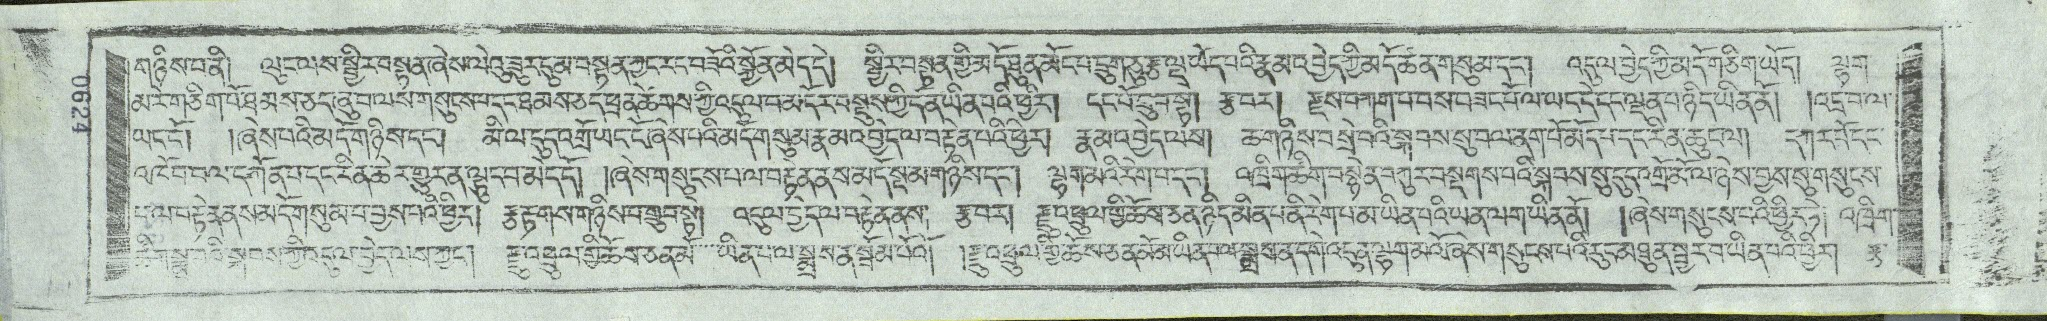གཉིས་པ་ནི། ལུང་ལས་སྤྱིར་བསྟན་ཞེས་ལེའུ་ཟུར་དུམ་བསྟན་ཀྱང་རང་བཟོའི་སྐྱོན་མེད་དེ། སྤྱིར་བསྟན་གྱི་མདོ་ཐུན་མོང་པ་དྲུག་ཅུ་རྩ་ལྔ་ཡོད་པའི་རྣམ་འབྱེད་ཀྱི་མདོ་ཚན་གསུམ་དང་། འདུལ་བྱེད་ཀྱི་མདོ་གཅིག་ཡོད། ལྷག་
མ་རེ་གཅིག་པོ་ཐམས་ཅད་ཞུ་བ་ལས་གསུངས་པ་དང་ཐམས་ཅད་ཕྲན་ཚེགས་ཀྱི་འདུལ་བ་མདོར་བསྡུས་ཀྱི་དོན་ཡིན་པའི་ཕྱིར། དང་པོ་གྲུབ་སྟེ། རྩ་བར། རྫས་བཀག་པ་བས་བཟང་པོ་ལ་ཡང་དེ་དང་ལྡན་པ་ཉིད་ཡིན་ནོ། །འདྲ་བ་ལ་
ཡང་ངོ། །ཞེས་པའི་མདོ་གཉིས་དང་། མི་ལ་དུད་འགྲོ་ཡང་ངོ་ཞེས་པའི་མདོ་གསུམ་རྣམ་འབྱེད་ལ་བརྟེན་པའི་ཕྱིར། རྣམ་འབྱེད་ལས། ཆ་གཉིས་བསྲེ་བའི་སྐབས་སུ་བལ་ནག་པོ་མོད་པ་དང་རིན་ཆུང་ལ། དཀར་པོ་དང་
འཁོབ་བ་ལ་དཀོན་པ་དང་རིན་ཆེར་གྱུར་ན་ལྟུང་བ་མེད་དོ། །ཞེས་གསུངས་པ་ལ་བརྟེན་ནས་མདོ་སྔ་མ་གཉིས་དང་། ལྷག་མའི་རེག་པ་དང་། འཁྲིག་ཚིག་བསྙེན་བཀུར་བསྔགས་པའི་སྐབས་སུ་དུད་འགྲོ་མོ་ལ་ཉེས་བྱས་སུ་གསུངས་
པ་ལ་བརྟེན་ནས་མདོ་གསུམ་པ་བྱས་པའི་ཕྱིར། རྩ་རྟགས་གཉིས་པ་གྲུབ་སྟེ། འདུལ་བྱེད་ལ་བརྟེན་ནས། རྩ་བར། རྫུ་འཕྲུལ་གྱི་ཆོས་ཅན་ཉིད་མིན་པ་ནི་རེག་པ་མ་ཡིན་པའི་ཡན་ལག་ཡིན་ནོ། །ཞེས་གསུངས་པའི་ཕྱིར་ཏེ། འཁྲིག་
ཚིག་སྨྲ་བའི་སྐབས་ཀྱི་འདུལ་བྱེད་ལས་ཀྱང་། རྫུ་འཕྲུལ་གྱི་ཆོས་ཅན་མོ་ཡིན་པ་ལ་སྨྲས་ན་སྤོམ་པོའོ། །རྫུ་འཕྲུལ་གྱི་ཆོས་ཅན་མོ་མ་ཡིན་པ་ལ་སྨྲས་ན་དགེ་འདུན་ལྷག་མའོ་ཞེས་གསུངས་པའི་རུང་མཐུན་སྦྱར་བ་ཡིན་པའི་ཕྱིར། རྩ་